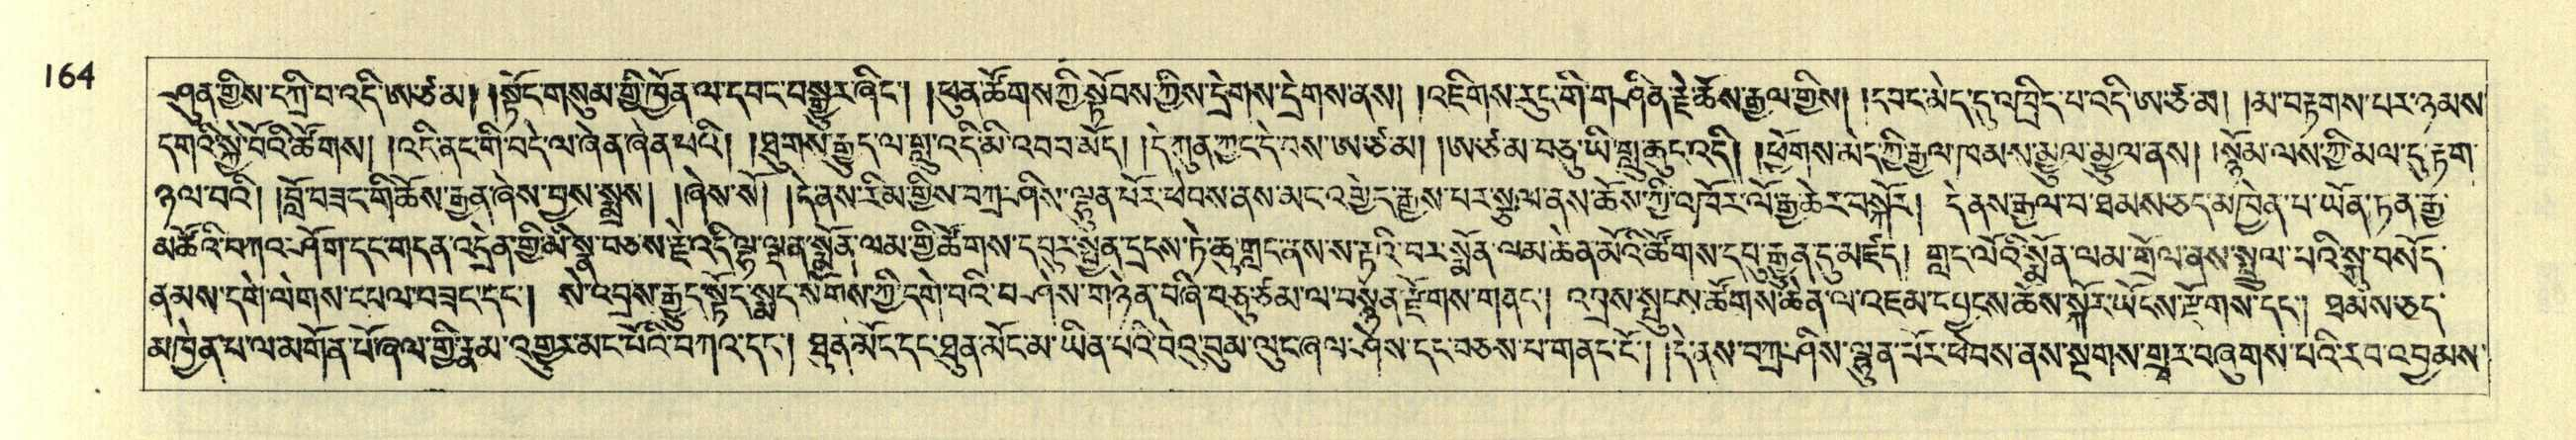ཤུན་གྱིས་དཀྲི་བ་འདི་ཨ་ཙ་མ། །སྟོང་གསུམ་གྱི་ཁྱོན་ལ་དབང་བསྒྱུར་ཞིང་། །ཕུན་ཚོགས་ཀྱི་སྟོབས་ཀྱིས་དྲེགས་དྲེགས་ནས། །འཇིགས་རུང་གི་གཤིན་རྗེ་ཆོས་རྒྱལ་གྱིས། །དབང་མེད་དུ་འཁྲིད་པ་འདི་ཨ་ཙ་མ། །མ་བརྟགས་པར་ཉམས་
དགའི་སྐྱེ་བོའི་ཚོགས། །འདི་ནང་གི་བདེ་ལ་ཞེན་ཞེན་པའི། །ཐུགས་རྒྱུད་ལ་གླུ་འདི་མི་འབབ་མོད། །དེ་ཀུན་ཀྱང་དེ་བས་ཨ་ཙ་མ། །ཨ་ཙ་མ་བཅུ་ཡི་གླུ་ཆུང་འདི། །ཕྱོགས་མེད་ཀྱི་རྒྱལ་ཁམས་མྱུལ་མྱུལ་ནས། །སྙོམ་ལས་ཀྱི་མལ་དུ་རྟག་
ཉལ་བའི། །བློ་བཟང་གི་ཆོས་རྒྱན་ཞེས་བྱས་སྨྲས། །ཞེས་སོ། །དེ་ནས་རིམ་གྱིས་བཀྲ་ཤིས་ལྷུན་པོར་ཕེབས་ནས་མང་འགྱེད་རྒྱས་པར་སྩལ་ནས་ཆོས་ཀྱི་འཁོར་ལོ་རྒྱ་ཆེར་བསྐོར། དེ་ནས་རྒྱལ་བ་ཐམས་ཅད་མཁྱེན་པ་ཡོན་ཏན་རྒྱ་
མཚོའི་བཀའ་ཤོག་དང་གདན་འདྲེན་གྱི་མི་སྣ་བཅས་རྗེ་འདི་ལྷ་ལྡན་སྨོན་ལམ་གྱི་ཚོགས་དབུར་སྤྱན་དྲངས་ཏེ་ཆུ་གླང་ནས་ས་རྟའི་བར་སྨོན་ལམ་ཆེན་མོའི་ཚོགས་དབུ་རྒྱུན་དུ་མཛད། གླང་ལོའི་སྨོན་ལམ་གྲོལ་ནས་སྤྲུལ་པའི་སྐུ་བསོད་
ནམས་དགེ་ལེགས་དཔལ་བཟང་དང་། སེ་འབྲས་རྒྱུད་སྟོང་སྨད་སོགས་ཀྱི་དགེ་བའི་བཤེས་གཉེན་བཞི་བཅུ་ཙམ་ལ་བསྙན་རྫོགས་གནང་། འབྲས་སྤུངས་ཚོགས་ཆེན་ལ་འཇམ་དཔྱངས་ཆོས་སྐོར་ཡོངས་རྫོགས་དང་། ཐམས་ཅད་
མཁྱེན་པ་ལ་མགོན་པོ་ཞལ་གྱི་རྣམ་འགྱུར་མང་པོའི་བཀའ་དང་། ཐུན་མོང་དང་ཐུན་མོང་མ་ཡིན་པའི་བེའུ་བུམ་ལུང་ཞལ་ཤེས་དང་བཅས་པ་གནང་ངོ། །དེ་ནས་བཀྲ་ཤིས་ལྷུན་པོར་ཕེབས་ནས་སྔགས་གྲྭར་བཞུགས་པའི་རབ་འབྱམས་